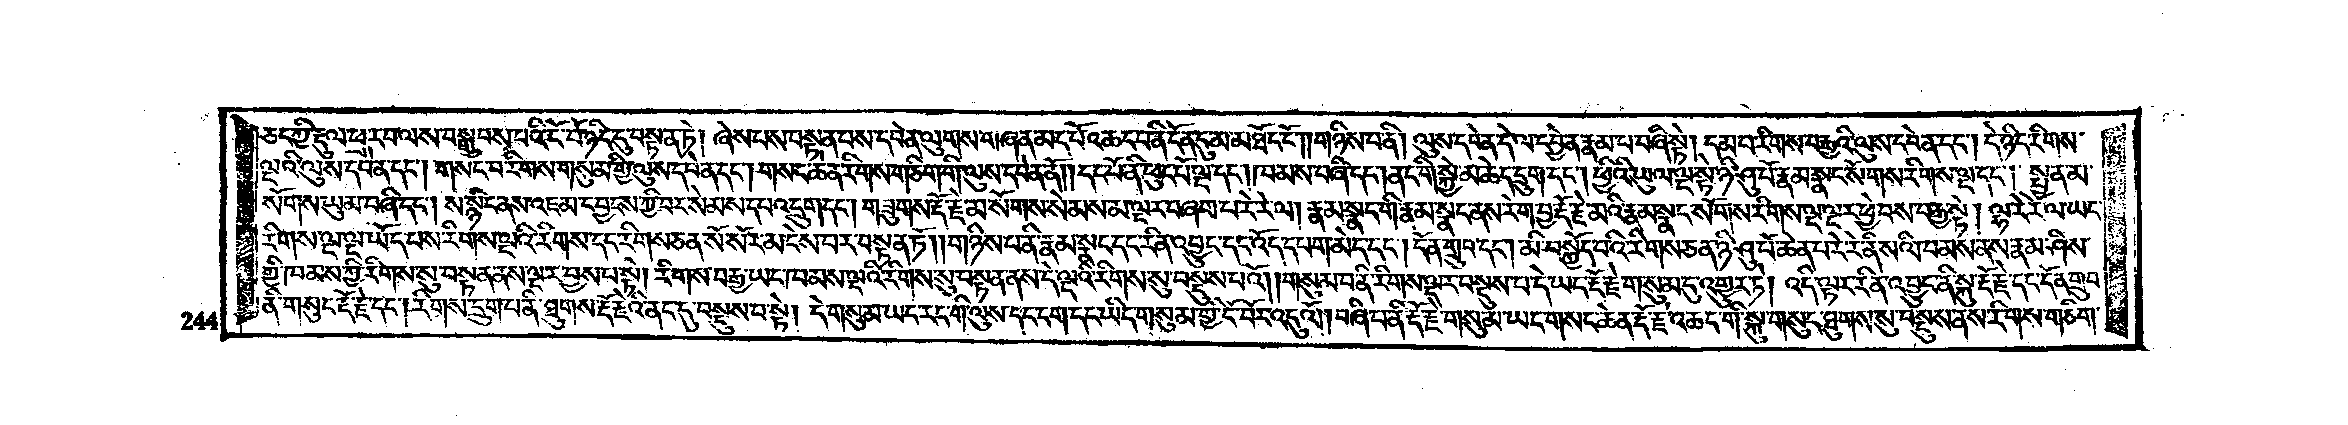ཅད་ཀྱི་རྡུལ་ཕྲ་རབ་ལས་བསྒྲུབས་པའི་ངོ་བོ་ཉིད་དུ་བསྟན་ཏེ། ཞེས་པས་བསྟན་པས་དབེན་ལུགས་གཞན་མང་པོ་འཆང་པ་ནི་དོན་དུ་མ་མཐོང་ངོ། །གཉིས་པ་ནི། ལུས་དབེན་དེ་ལ་དབྱེ་ན་རྣམ་པ་བཞི་སྟེ། དམ་པ་རིགས་བརྒྱའི་ལུས་དབེན་དང་། དེ་ཉིད་རིགས་
ལྔའི་ལུས་དབེན་དང་། གསང་བ་རིགས་གསུམ་གྱི་ལུས་དབེན་དང་། གསང་ཆེན་རིགས་གཅིག་གི་ལུས་དབེན་ནོ། །དང་པོ་ནི་ཕུང་པོ་ལྔ་དང་། ཁམས་བཞི་དང་། ནང་གི་སྐྱེ་མཆེད་དྲུག་དང་། ཕྱིའི་ཡུལ་ལྔ་སྟེ་ཉི་ཤུ་པོ་རྣམ་སྣང་སོགས་རིགས་ལྔ་དང་། སྤྱན་མ་
སོགས་ཡུམ་བཞི་དང་། ས་སྙིང་ནས་འཇམ་དབྱངས་ཀྱི་བར་སེམས་དཔའ་དྲུག་དང་། གཟུགས་རྡོ་རྗེ་མ་སོགས་སེམས་མ་ལྔར་བཞག་པ་རེ་རེ་ལ། རྣམ་སྣང་གི་རྣམ་སྣང་ནས་རེག་བྱ་རྡོ་རྗེ་མའི་རྣམ་སྣང་སོགས་རིགས་ལྔ་ལྔར་ཕྱེ་བས་བརྒྱ་སྟེ། ལྷ་རེ་རེ་ལ་ཡང་
རིགས་ལྔ་ལྔ་ཡོད་པས་རིགས་ལྔའི་རིགས་དང་རིགས་ཅན་སོ་སོར་མ་ངེས་པར་བསྟན་ཏོ། །གཉིས་པ་ནི་རྣམ་སྣང་དང་རིན་འབྱུང་དང་འོད་དཔག་མེད་དང་། དོན་གྲུབ་དང་། མི་བསྐྱོད་པའི་རིགས་ཅན་ཉི་ཤུ་པོ་ཆེན་པོ་རེ་རེ་ནི་སའི་ཁམས་ནས་རྣམ་ཤེས་
ཀྱི་ཁམས་ཀྱི་རིགས་སུ་བསྟན་ནས་ལྔར་བྱས་པ་སྟེ། རིགས་བརྒྱ་ཡང་ཁམས་ལྔའི་རིགས་སུ་བསྟན་ནས་དེ་ལྔའི་རིགས་སུ་བསྡུས་པའོ། །གསུམ་པ་ནི་རིགས་ལྔར་བསྡུས་པ་དེ་ཡང་རྡོ་རྗེ་གསུམ་དུ་འགྱུར་ཏེ། འདི་ལྟར་རིན་འབྱུང་ནི་སྐུ་རྡོ་རྗེ་དང་དོན་གྲུབ་
ནི་གསུང་རྡོ་རྗེ་དང་། རིགས་དྲུག་པ་ནི་ཐུགས་རྡོ་རྗེའི་ནང་དུ་བསྡུས་པ་སྟེ། དེ་གསུམ་ཡང་རང་གི་ལུས་དང་ངག་དང་ཡིད་གསུམ་གྱི་ངོ་བོར་འདུའོ། །བཞི་པ་ནི་རྡོ་རྗེ་གསུམ་ཡང་གསང་ཆེན་རྡོ་རྗེ་འཆང་གི་སྐུ་གསུང་ཐུགས་སུ་བསྡུས་ནས་རིགས་གཅིག་